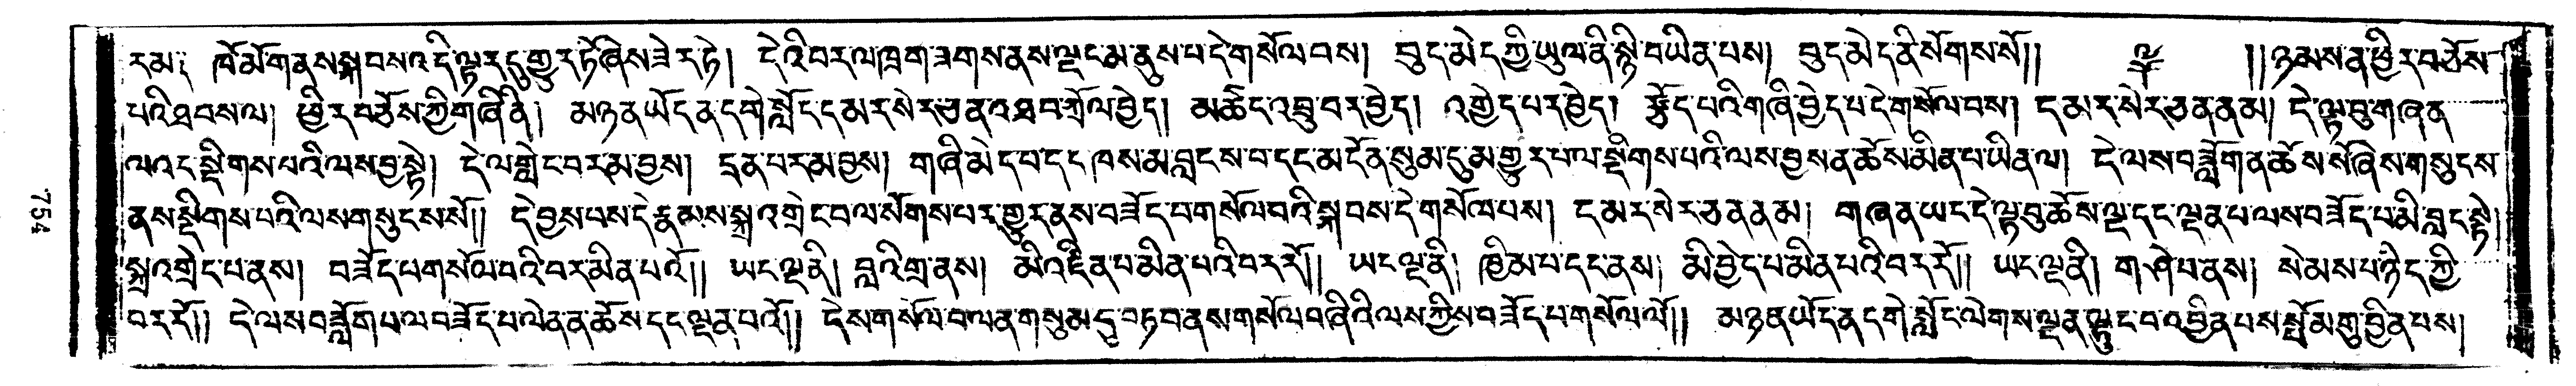རམ༑ ཁོ་མོ་གནས་སྐབས་འདི་ལྟར་དུ་གྱུར་ཏོ་ཞེས་ཟེར་ཏེ། དེའི་བར་ལ་ཁྲག་ཟགས་ནས་ལྡང་མ་ནུས་པ་དེ་གསོལ་བས། བུད་མེད་ཀྱི་ཡུལ་ནི་སྙི་བ་ཡིན་པས། བུད་མེད་ནི་སོགས་སོ།། ༈ །།ཉམས་ན་ཕྱིར་བཅོས་
པའི་ཐབས་ལ། ཕྱིར་བཅོས་ཀྱི་གཞི་ནི། མཉན་ཡོད་ན་དགེ་སློང་དམར་སེར་ཅན་འཐབ་ཀྲོལ་བྱེད། མཚང་འབྲུ་བར་བྱེད། འགྱེད་པར་བྱེད། རྩོད་པའི་གཞི་བྱེད་པ་དེ་གསོལ་བས། དམར་སེར་ཅན་ནམ། དེ་ལྟ་བུ་གཞན་
ལའང་སྡིགས་པའི་ལས་བྱ་སྟེ། དེ་ལ་གླེང་བར་མ་བྱས། དྲན་པར་མ་བྱས། གཞི་མེད་པ་དང་ཁས་མ་བླངས་པ་དང་མངོན་སུམ་དུ་མ་གྱུར་པ་ལ་སྡིགས་པའི་ལས་བྱས་ན་ཆོས་མིན་པ་ཡིན་ལ། དེ་ལས་བཟློག་ན་ཆོས་སོ་ཞེས་གསུངས་
ནས་སྡིགས་པའི་ལས་གསུངས་སོ།། དེ་བྱས་པས་དེ་རྣམས་སྐྲ་འགྲེང་བ་ལ་སོགས་པར་གྱུར་ནས་བཟོད་པ་གསོལ་བའི་སྐབས་དེ་གསོལ་བས། དམར་སེར་ཅན་ནམ། གཞན་ཡང་དེ་ལྟ་བུ་ཆོས་ལྔ་དང་ལྡན་པ་ལས་བཟོད་པ་མི་བླང་སྟེ།
སྐྲ་འགྲེང་པ་ནས། བཟོད་པ་གསོལ་བའི་བར་མིན་པའོ།། ཡང་ལྔ་ནི། བླའི་གྲ་ནས། མི་འཛིན་པ་མིན་པའི་བར་རོ།། ཡང་ལྔ་ནི། ཁྱིམ་པ་དང་ནས། མི་བྱེད་པ་མིན་པའི་བར་རོ།། ཡང་ལྔ་ནི། གཤེ་པ་ནས། སེམས་པ་ཉིད་ཀྱི་
བར་རོ།། དེ་ལས་བཟློག་པ་ལ་བཟོད་པ་ལེན་ན་ཆོས་དང་ལྡན་པའོ།། དེས་གསོལ་བ་ལན་གསུམ་དུ་བཏབ་ནས་གསོལ་བཞིའི་ལས་ཀྱིས་བཟོད་པ་གསོལ་ལོ།། མཉན་ཡོད་ན་དགེ་སློང་ལེགས་ལྡན་ལྟུང་བ་འབྱིན་པས་སྤོ་མགུ་བྱིན་པས།